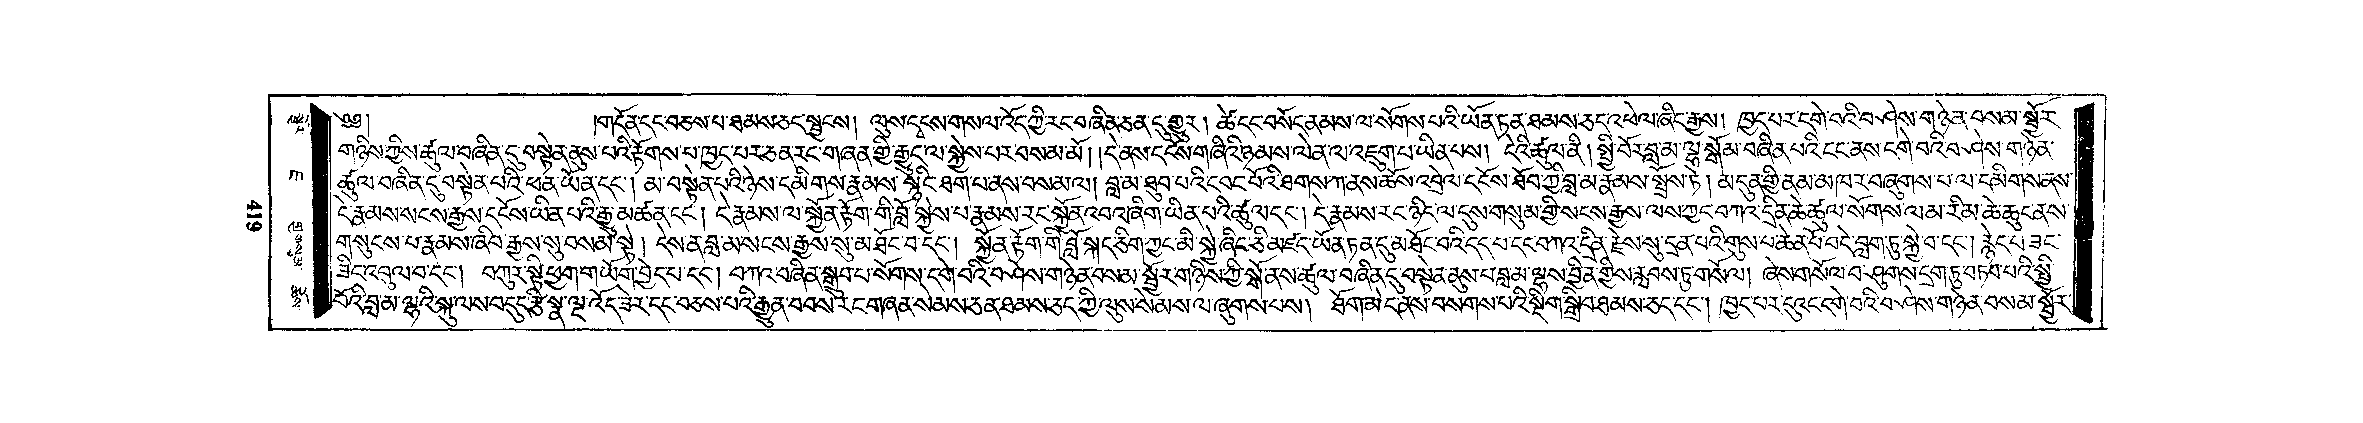༄༅། །གདོན་དང་བཅས་པ་ཐམས་ཅད་སྦྱངས། ལུས་དྭངས་གསལ་འོད་ཀྱི་རང་བཞིན་ཅན་དུ་གྱུར། ཚེ་དང་བསོད་ནམས་ལ་སོགས་པའི་ཡོན་ཏན་ཐམས་ཅད་འཕེལ་ཞིང་རྒྱས། ཁྱད་པར་དགེ་བའི་བཤེས་གཉེན་བསམ་སྦྱོར་
གཉིས་ཀྱིས་ཚུལ་བཞིན་དུ་བསྟེན་ནུས་པའི་རྟོགས་པ་ཁྱད་པར་ཅན་རང་གཞན་གྱི་རྒྱུད་ལ་སྐྱེས་པར་བསམ་མོ། །དེ་ནས་དངོས་གཞིའི་ཉམས་ལེན་ལ་འཇུག་པ་ཡིན་པས། དེའི་ཚུལ་ནི། སྤྱི་བོར་བླ་མ་ལྷ་སྒོམ་བཞིན་པའི་ངང་ནས་དགེ་བའི་བཤེས་གཉེན་
ཚུལ་བཞིན་དུ་བསྟེན་པའི་ཕན་ཡོན་དང་། མ་བསྟེན་པའི་ཉེས་དམིགས་རྣམས་སྙིང་ཐག་པ་ནས་བསམ་ལ། བླ་མ་ཐུབ་པའི་དབང་པོའི་ཐགས་ཀ་ནས་ཆོས་འབྲེལ་དངོས་ཐོབ་ཀྱི་བླ་མ་རྣམས་སྤྲོས་ཏེ། མདུན་གྱི་ནམ་མཁར་བཞུགས་པ་ལ་དམིགས་ནས་
དེ་རྣམས་སངས་རྒྱས་དངོས་ཡིན་པའི་རྒྱུ་མཚན་དང་། དེ་རྣམས་ལ་སྐྱོན་རྟོག་གི་བློ་སྐྱེས་པ་རྣམས་རང་སྐྱོན་འབའ་ཞིག་ཡིན་པའི་ཚུལ་དང་། དེ་རྣམས་རང་ཉིད་ལ་དུས་གསུམ་གྱི་སངས་རྒྱས་ལས་ཀྱང་བཀའ་དྲིན་ཆེ་ཚུལ་སོགས་ལམ་རིམ་ཆེ་ཆུང་ནས་
གསུངས་པ་རྣམས་ཞིབ་རྒྱས་སུ་བསམ་སྟེ། དེས་ན་བླ་མ་སངས་རྒྱས་སུ་མཐོང་བ་དང་། སྐྱོན་རྟོག་གི་བློ་སྐད་ཅིག་ཀྱང་མི་སྐྱེ་ཞིང་ཅི་མཛད་ཡོན་ཏན་དུ་མཐོང་བའི་དད་པ་དང་བཀའ་དྲིན་རྗེས་སུ་དྲན་པའི་གུས་པ་ཆེན་པོ་བདེ་བླག་ཏུ་སྐྱེ་བ་དང་། རྙེད་པ་ཟང་
ཟིང་འབུལ་བ་དང་། བཀུར་སྟི་ཕྱག་གཡོག་བྱེད་པ་དང་། བཀའ་བཞིན་སྒྲུབ་པ་སོགས་དགེ་བའི་བཤེས་གཉེན་བསམ་སྦྱོར་གཉིས་ཀྱི་སྒོ་ནས་ཚུལ་བཞིན་དུ་བསྟེན་ནུས་པ་བླ་མ་ལྷས་བྱིན་གྱིས་རླབས་ཏུ་གསོལ། ཞེས་གསོལ་བ་ཤུགས་དྲག་ཏུ་བཏབ་པའི་སྤྱི་
བོའི་བླ་མ་ལྷའི་སྐུ་ལས་བདུད་རྩི་སྣ་ལྔ་འོད་ཟེར་དང་བཅས་པའི་རྒྱུན་བབས་རང་གཞན་སེམས་ཅན་ཐམས་ཅད་ཀྱི་ལུས་སེམས་ལ་ཞུགས་པས། ཐོག་མེད་ནས་བསགས་པའི་སྡིག་སྒྲིབ་ཐམས་ཅད་དང་། ཁྱད་པར་དུའང་དགེ་བའི་བཤེས་གཉེན་བསམ་སྦྱོར་